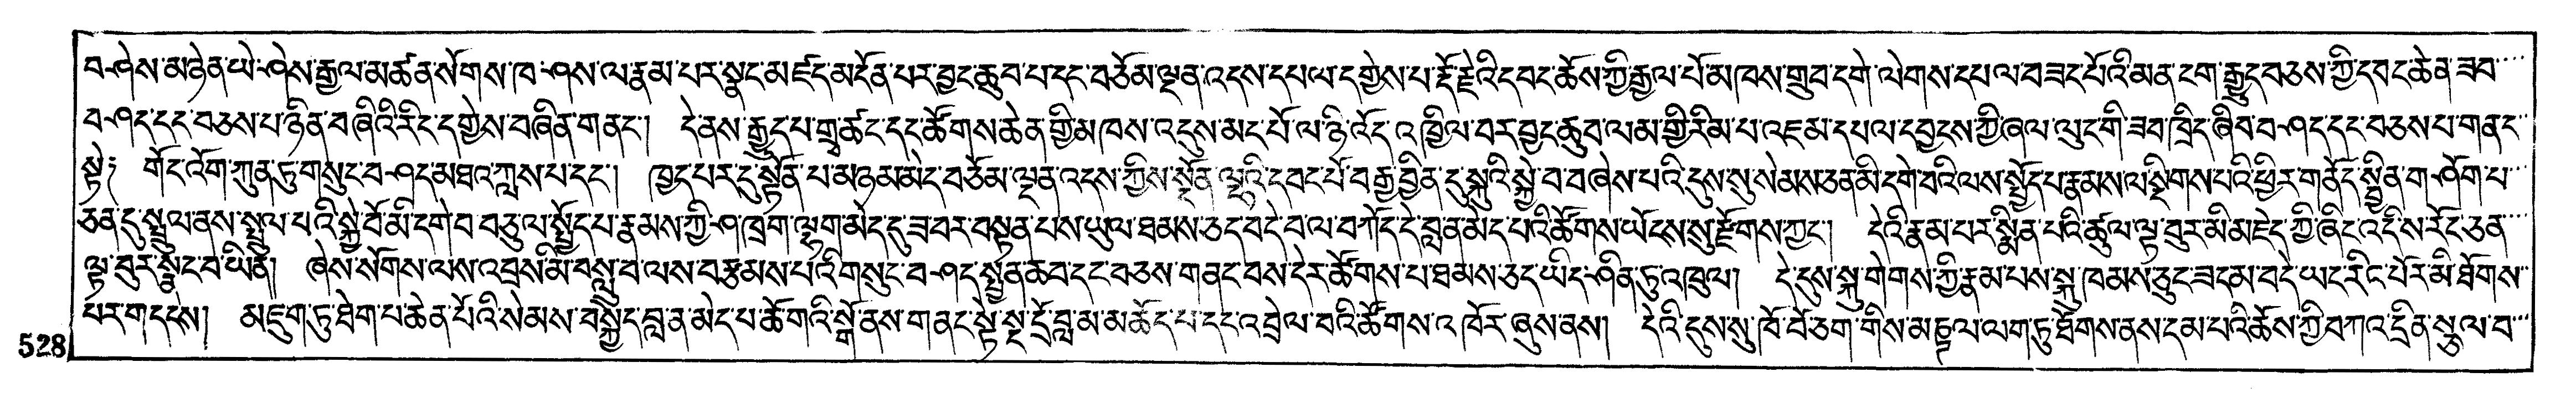བཤེས་གཉེན་ཡེ་ཤེས་རྒྱལ་མཚན་སོགས་ཁ་ཤས་ལ་རྣམ་པར་སྣང་མཛད་མངོན་པར་བྱང་ཆུབ་པ་དང་བཅོམ་ལྡན་འདས་དཔལ་དགྱེས་པ་རྡོ་རྗེའི་དབང་ཆོས་ཀྱི་རྒྱལ་པོ་མཁས་གྲུབ་དགེ་ལེགས་དཔལ་བཟང་པོའི་མན་ངག་རྒྱུད་བཅས་ཀྱི་དབང་ཆེན་ཟབ་
བཤད་དང་བཅས་པ་ཉིད་བཞིའི་རིང་དགྱེས་བཞིན་གནང་། དེ་ནས་རྒྱུད་པ་གྲྭ་ཚང་དང་ཚོགས་ཆེན་གྱི་མཁས་འདུས་མང་པོ་ལ་ཉི་འོད་འཁྱིལ་པར་བྱང་ཆུབ་ལམ་གྱི་རིམ་པ་འཇམ་དཔལ་དབྱངས་ཀྱི་ཞལ་ལུང་གི་ཟབ་ཁྲིད་ཞིབ་བཤད་དང་བཅས་པ་གནང་
སྟེ༑ གོང་འོག་ཀུན་ཏུ་གསུང་བཤད་མཐའ་ཀླས་པ་དང་། ཁྱད་པར་དུ་སྟོན་པ་མཉམ་མེད་བཅོམ་ལྡན་འདས་ཀྱིས་སྔོན་ལྷའི་དབང་པོ་བརྒྱ་བྱིན་དུ་སྐུའི་སྐྱེ་བ་བཞེས་པའི་དུས་སུ་སེམས་ཅན་མི་དགེ་བའི་ལས་སྤྱོད་པ་རྣམས་ལ་སྡིགས་པའི་ཕྱིར་གནོད་སྦྱིན་གཤོག་པ་
ཅན་དུ་སྤྲུལ་ནས་སྤྲུལ་པའི་སྐྱེ་བོ་མི་དགེ་བ་བཅུ་ལ་སྤྱོད་པ་རྣམས་ཀྱི་ཤ་ཁྲག་ལྷག་མེད་དུ་ཟ་བར་བསྟན་པས་ཡུལ་ཐམས་ཅད་བདེ་བ་ལ་བཀོད་དེ་བླ་ན་མེད་པའི་ཚོགས་ཡོངས་སུ་རྫོགས་ཀྱང་། དེའི་རྣམ་པར་སྨིན་པའི་ཚུལ་ལྟ་བུར་མི་མཛེད་ཀྱི་ཞིང་འདིས་རོང་ཅན་
ལྟ་བུར་སྣང་བ་ཡིན། ཞེས་སོགས་ལས་འབྲས་མི་བསླུ་བ་ལས་བརྩམས་པའི་གསུང་བཤད་སྦྱན་ཆབ་དང་བཅས་གནང་བས་དེར་ཚོགས་པ་ཐམས་ཅད་ཡིད་ཤིན་ཏུ་འཁུལ། དེ་དུས་སྐུ་གེགས་ཀྱི་རྣམ་པས་སྐུ་ཁམས་ཅུང་ཟད་མ་བདེ་ཡང་རིང་པོར་མི་ཐོགས་
པར་གདངས། མཇུག་ཏུ་ཐེག་པ་ཆེན་པོའི་སེམས་བསྐྱེད་བླ་ན་མེད་པ་ཆོ་གའི་སྒོ་ནས་གནང་སྟེ་སྔ་དྲོ་བླ་མ་མཆོད་པ་དང་འབྲེལ་བའི་ཚོགས་འཁོར་ཞུས་ནས། དེའི་དུས་སུ་ཁོ་བོ་ཅག་གིས་མཎྜལ་ལག་ཏུ་ཐོགས་ནས་དམ་པའི་ཆོས་ཀྱི་བཀའ་དྲིན་སྩལ་བ་